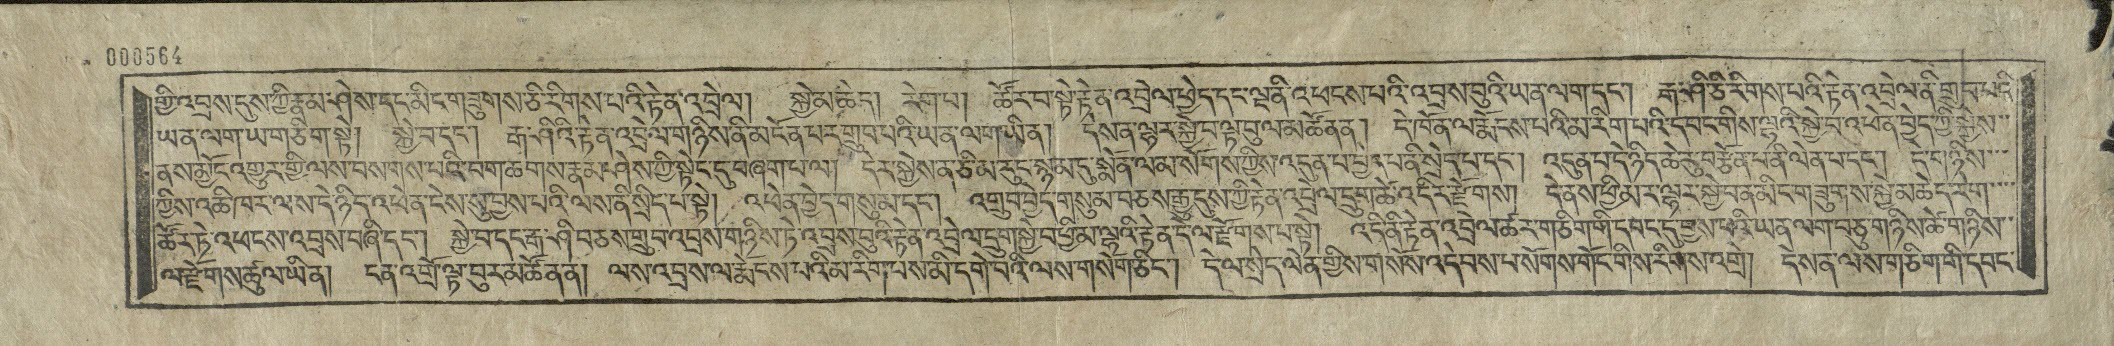གྱི་འབྲས་དུས་ཀྱི་རྣམ་ཤེས་དང་མིང་གཟུགས་ཅི་རིགས་པའི་རྟེན་འབྲེལ། སྐྱེ་མཆེད། རེག་པ། ཚོར་བ་སྟེ་རྟེན་འབྲེལ་ཕྱེད་དང་ལྔ་ནི་འཕངས་པའི་འབྲས་བུའི་ཡན་ལག་དང་། རྒ་ཤི་ཅི་རིགས་པའི་རྟེན་འབྲེལ་ནི་གྲུབ་པའི་
ཡན་ལག་ཡ་གཅིག་སྟེ། སྐྱེ་བ་དང་། རྒ་ཤིའི་རྟེན་འབྲེལ་གཉིས་ནི་མངོན་པར་གྲུབ་པའི་ཡན་ལག་ཡིན། དེས་ན་ལྷར་སྐྱེ་བ་ལྟ་བུ་ལ་མཚོན་ན། དེ་ཁོ་ན་ལ་རྨོངས་པའི་མ་རིག་པའི་དབང་གིས་ལྷའི་སྐྱེ་བ་འཕེན་བྱེད་ཀྱི་སྐྱེས་
ནས་མྱོང་འགྱུར་གྱི་ལས་བསགས་པའི་བག་ཆགས་རྣམ་ཤེས་ཀྱི་སྟེང་དུ་བཞག་པ་ལ། དེར་སྐྱེས་ན་ཅི་མ་རུང་སྙམ་དུ་སྨོན་ལམ་སོགས་ཀྱིས་འདུན་པ་བྱེད་པ་ནི་སྲེད་པ་དང་། འདུན་པ་དེ་ཉིད་ཆེ་རུ་བརྩོན་པ་ནི་ལེན་པ་དང་། དེ་གཉིས་
ཀྱིས་འཆི་ཁར་ལས་དེ་ཉིད་འཕེན་ངེས་སུ་བྱས་པའི་ལས་ནི་སྲིད་པ་སྟེ། འཕེན་བྱེད་གསུམ་དང་། འགྲུབ་བྱེད་གསུམ་བཅས་རྒྱུ་དུས་ཀྱི་རྟེན་འབྲེལ་དྲུག་ཚེ་འདིར་རྫོགས། དེ་ནས་ཕྱི་མར་ལྷར་སྐྱེ་བ་ན་མིང་གཟུགས་སྐྱེ་མཆེད་རེག་
ཚོར་ཏེ་འཕངས་འབྲས་བཞི་དང་། སྐྱེ་བ་དང་རྒ་ཤི་བཅས་གྲུབ་འབྲས་གཉིས་ཏེ་འབྲས་བུའི་རྟེན་འབྲེལ་དྲུག་སྐྱེ་བ་ཕྱི་མ་ལྷའི་རྟེན་དེ་ལ་རྫོགས་པ་སྟེ། འདི་ནི་རྟེན་འབྲེལ་ཚར་གཅིག་གི་དབང་དུ་བྱས་པའི་ཡན་ལག་བཅུ་གཉིས་ཚེ་གཉིས་
ལ་རྫོགས་ཚུལ་ཡིན། ངན་འགྲོ་ལྟ་བུར་མཚོན་ན། ལས་འབྲས་ལ་རྨོངས་པའི་མ་རིག་པས་མི་དགེ་བའི་ལས་གསོག་ཅིང་། དེ་ལ་སྲེད་ལེན་གྱིས་གསོས་འདེབས་པ་སོགས་གོང་གིས་རིགས་འགྲེ། དེས་ན་ལས་གཅིག་གི་དབང་